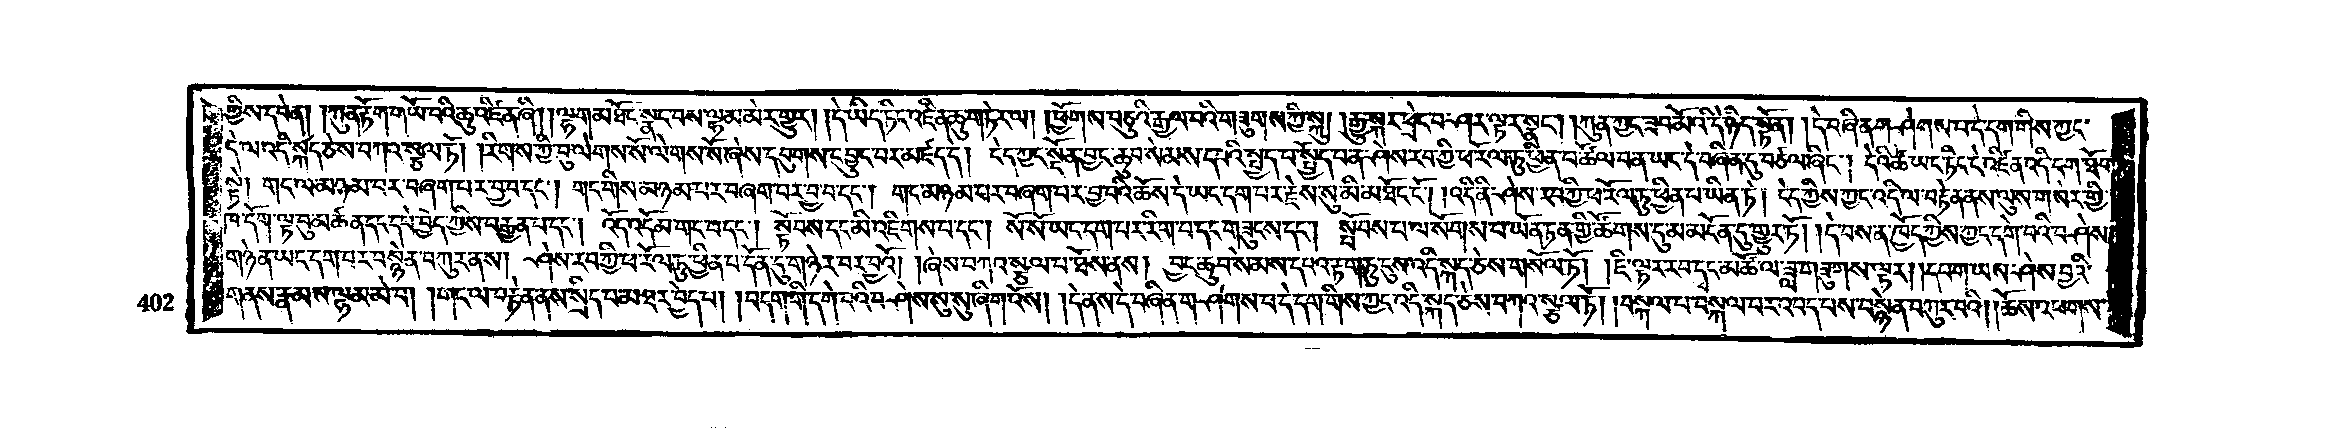གྱིས་དབེན། །ཀུན་རྟོག་གཡོ་བའི་ཆུ་འཛིན་ཞི། །ལྷག་མཐོང་སྣང་བས་ལྷམ་མེར་གྱུར། །དེ་ཡིད་ཏིང་འཛིན་ཆུ་གཏེར་ལ། །ཕྱོགས་བཅུའི་རྒྱལ་བའི་གཟུགས་ཀྱི་སྐུ། །རྒྱུ་སྐར་ཕྲེང་བ་ཤར་ལྟར་སྣང་། །ཀུན་ཀྱང་ཟབ་མོའི་དེ་ཉིད་སྟོན། །དེ་བཞིན་གཤེགས་པ་དེ་དག་གིས་ཀྱང་
དེ་ལ་འདི་སྐད་ཅེས་བཀའ་སྩལ་ཏོ། །རིགས་ཀྱི་བུ་ལེགས་སོ་ལེགས་སོ་ཞེས་དབུགས་དབྱུང་བར་མཛད་དེ། ངེད་ཀྱང་སྔོན་བྱང་ཆུབ་སེམས་དཔའི་སྤྱད་པ་སྤྱོད་པ་ན་ཤེས་རབ་ཀྱི་ཕ་རོལ་ཏུ་ཕྱིན་པ་ཚོལ་བ་ན་ཡང་དེ་བཞིན་དུ་བཙལ་ཞིང་། དེའི་ཚེ་ཡང་ཏིང་ངེ་འཛིན་འདི་དག་ཐོབ་
སྟེ། གང་ལ་མཉམ་པར་བཞག་པར་བྱ་བ་དང་། གང་གིས་མཉམ་པར་བཞག་པར་བྱ་བ་དང་། གང་མཉམ་པར་བཞག་པར་བྱ་བའི་ཆོས་དེ་ཡང་དག་པར་རྗེས་སུ་མི་མཐོང་ངོ། །འདི་ནི་ཤེས་རབ་ཀྱི་ཕ་རོལ་ཏུ་ཕྱིན་པ་ཡིན་ཏེ། ངེས་ཀྱིས་ཀྱང་འདི་ལ་བརྟེན་ནས་ལུས་གསེར་གྱི་
ཁ་དོག་ལྟ་བུ་མཚན་དང་དཔེ་བྱད་ཀྱིས་བརྒྱན་པ་དང་། འོད་འདོམ་གང་པ་དང་། སྟོབས་དང་མི་འཇིགས་པ་དང་། སོ་སོ་ཡང་དག་པར་རིག་པ་དང་གཟུངས་དང་། སྤོབས་པ་ལ་སོགས་པ་ཡོན་ཏན་གྱི་ཚོགས་དུ་མ་མངོན་དུ་གྱུར་ཏོ། །དེ་བས་ན་ཁྱོད་ཀྱིས་ཀྱང་དགེ་བའི་བཤེས་
གཉེན་ཡང་དག་པར་བསྙེན་བཀུར་ནས། ཤེས་རབ་ཀྱི་ཕ་རོལ་ཏུ་ཕྱིན་པ་དོན་དུ་གཉེར་བར་བྱའོ། །ཞེས་བཀའ་སྩལ་པ་ཐོས་ནས། བྱང་ཆུབ་སེམས་དཔའ་རྟག་ཏུ་དུས་འདི་སྐད་ཅེས་གསོལ་ཏོ། །ཇི་ལྟར་རབ་དང་མཚོ་ལ་ཟླ་གཟུགས་ལྟར། །དཔག་ཡས་ཤེས་བྱའི་
གནས་རྣམས་ལྷམ་མེ་བ། །གང་ལ་བརྟེན་ནས་སྲིད་པ་མཐར་བྱེད་པ། །བདག་གི་དགེ་བའི་བཤེས་སུ་སུ་ཞིག་འོས། །དེ་ནས་དེ་བཞིན་གཤེགས་པ་དེ་དག་གིས་ཀྱང་འདི་སྐད་ཅེས་བཀའ་སྩལ་ཏོ། །བསྐལ་པ་བསྐལ་པར་འབད་པས་བསྙེན་བཀུར་བའི། །ཆོས་འཕགས་